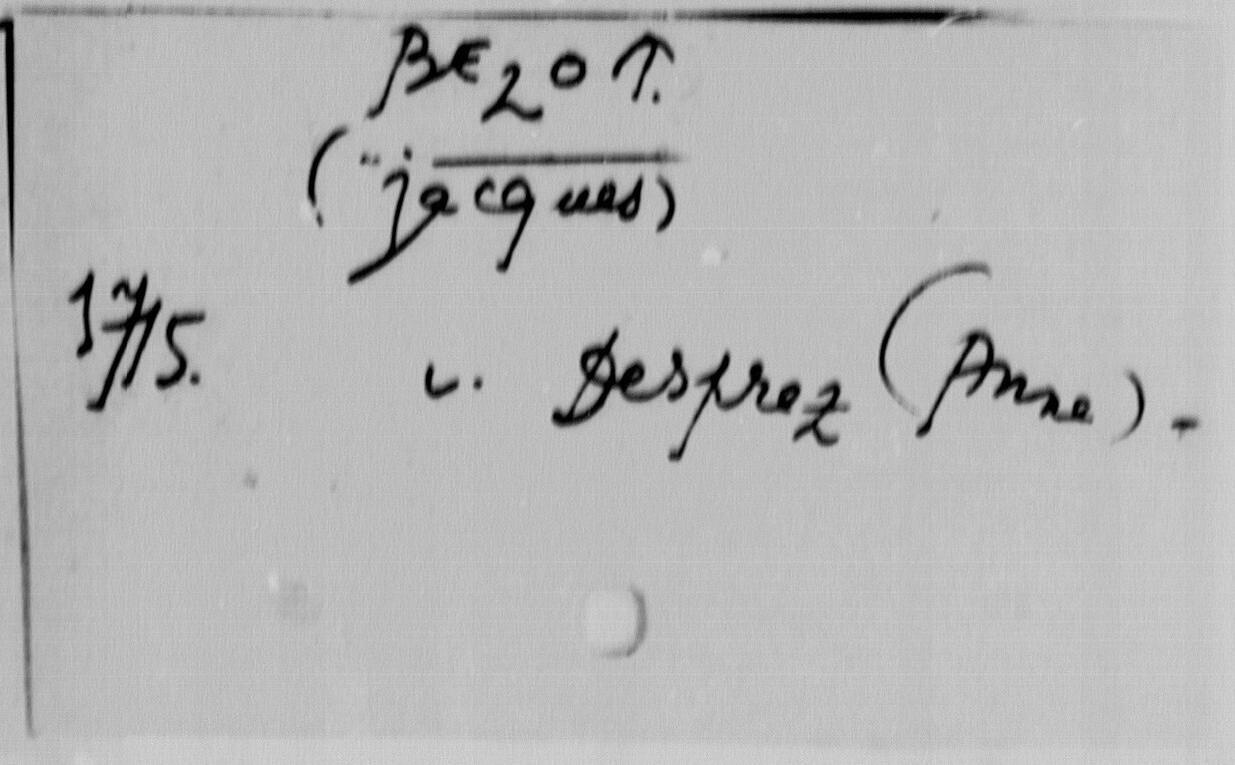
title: BEZOT (Jacques)
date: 1715
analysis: Voir DESPREZ (Anne)
